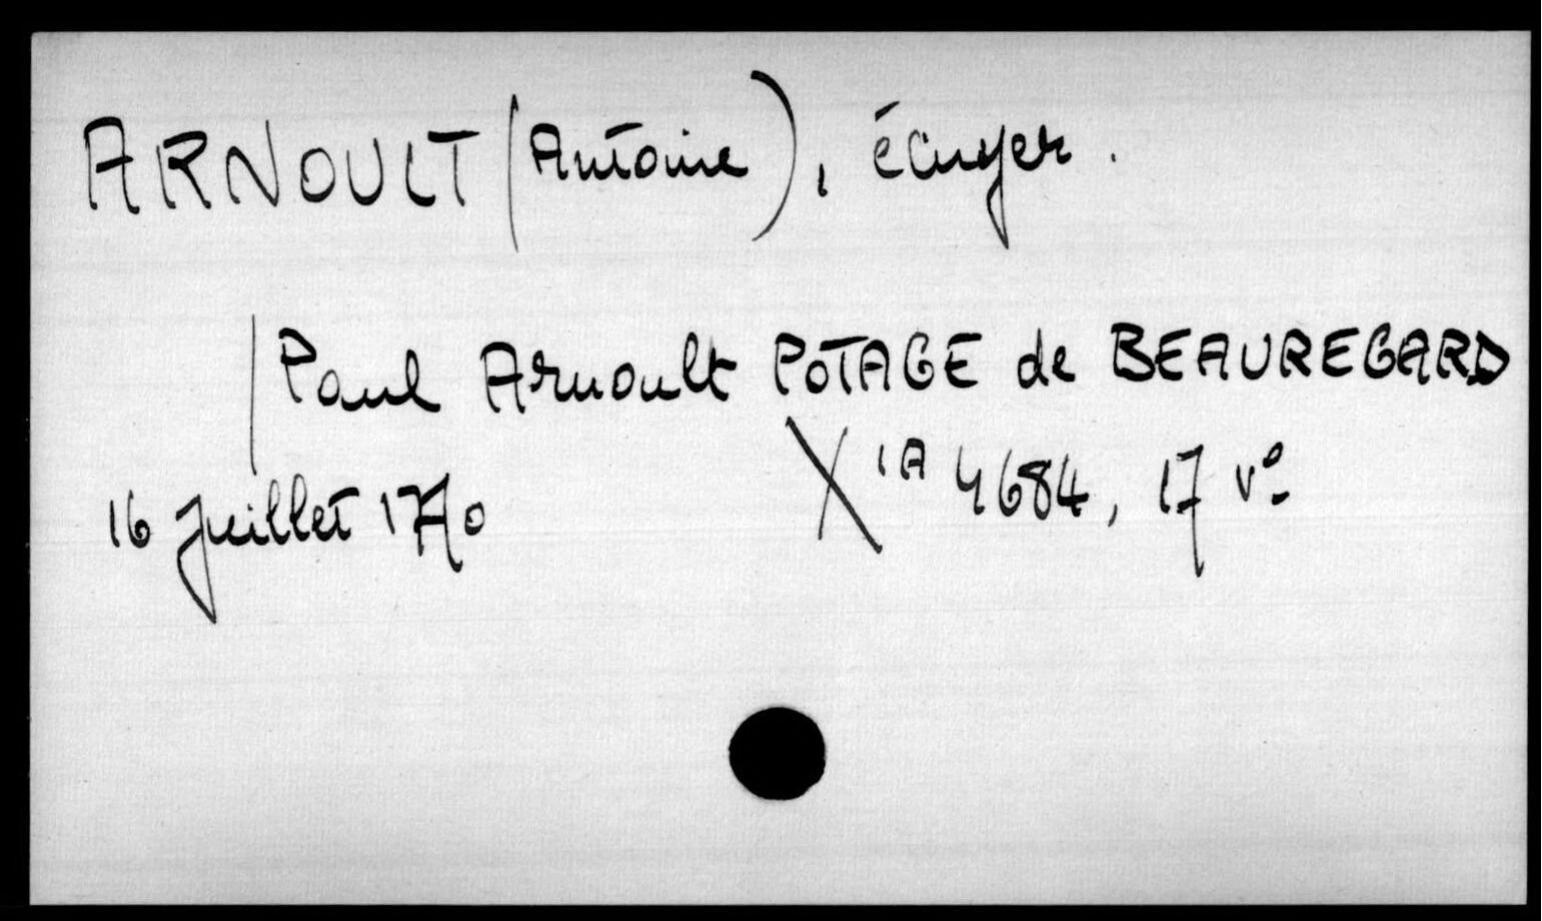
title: ARNOULT (Antoine), écuyer.
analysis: Contre Paul Arnoult POTAGE de BEAUREGARD
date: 16 juillet 1770
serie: X1A
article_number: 4684
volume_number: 17v
